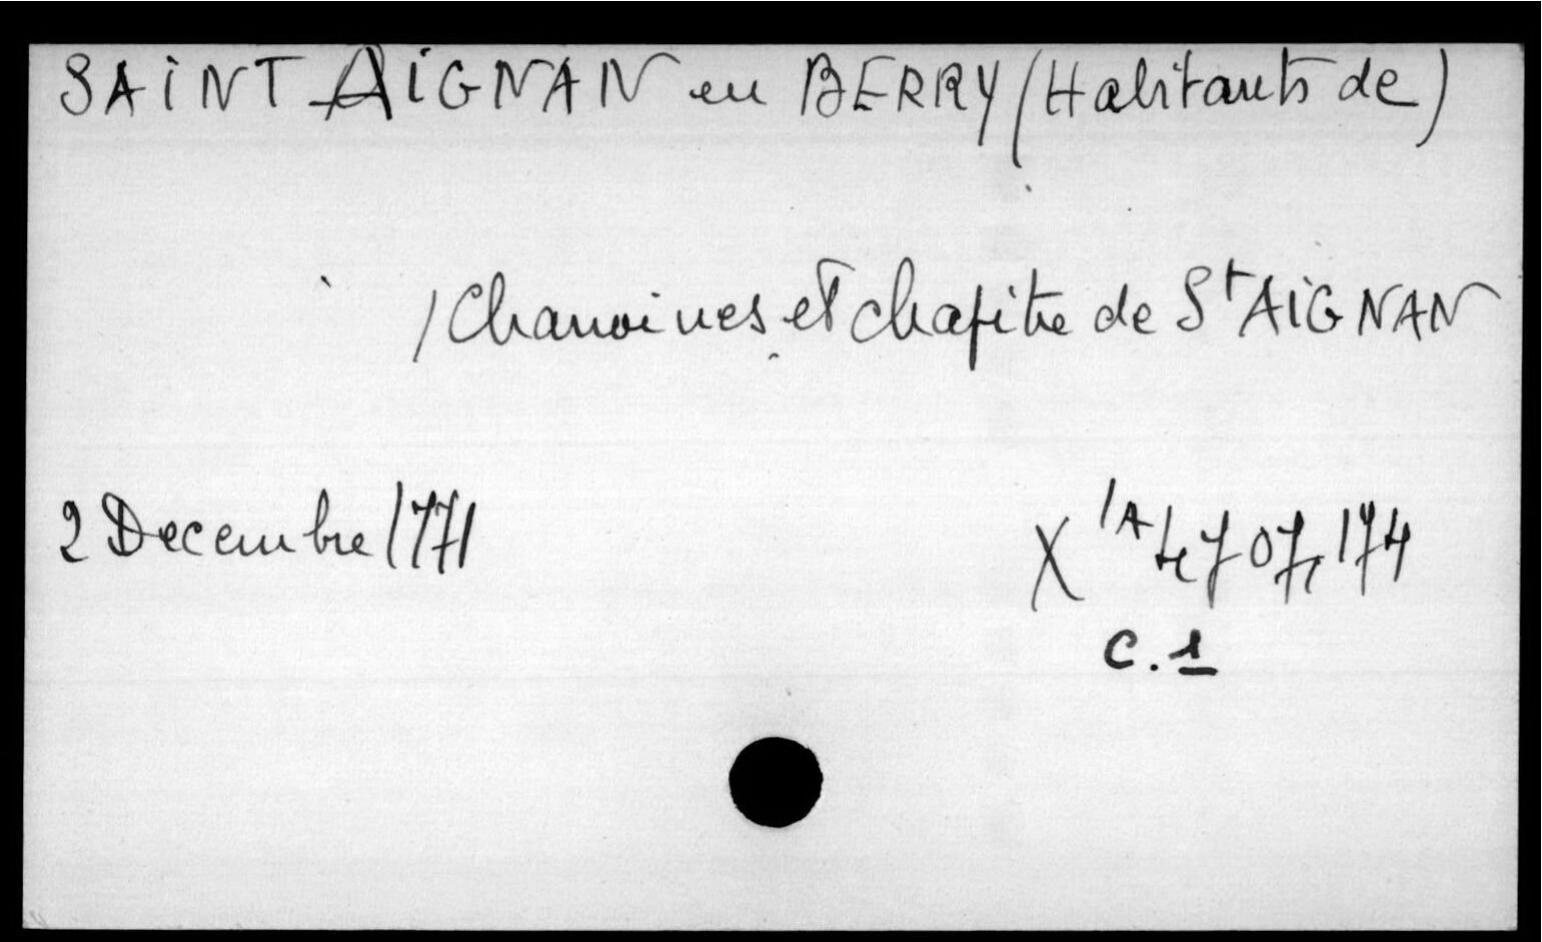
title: SAINT AIGNAN en BERRY (Habitants de)
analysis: Contre Chanoines et chapitre de Saint-AIGNAN
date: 2 décembre 1771
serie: X1A
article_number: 4707
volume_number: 174 Conseil 1
